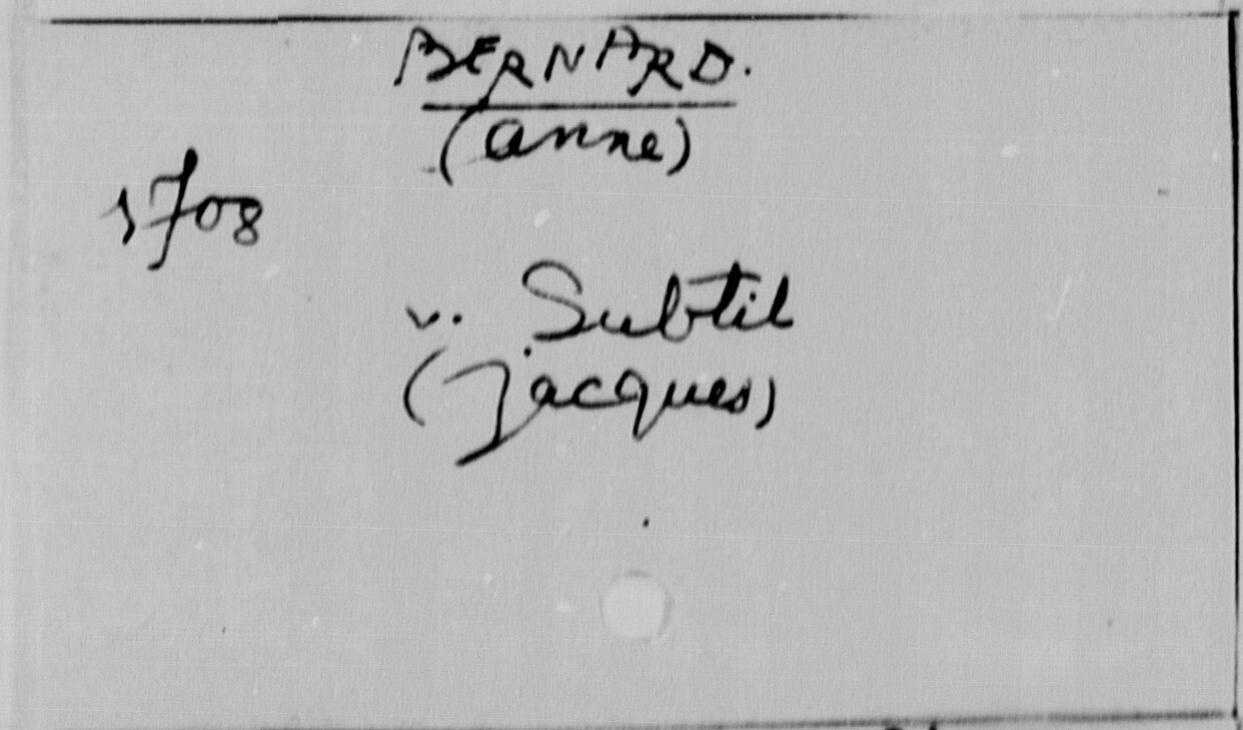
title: BERNARD (Anne)
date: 1708
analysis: Voir : SUBTIL (Jacques)
